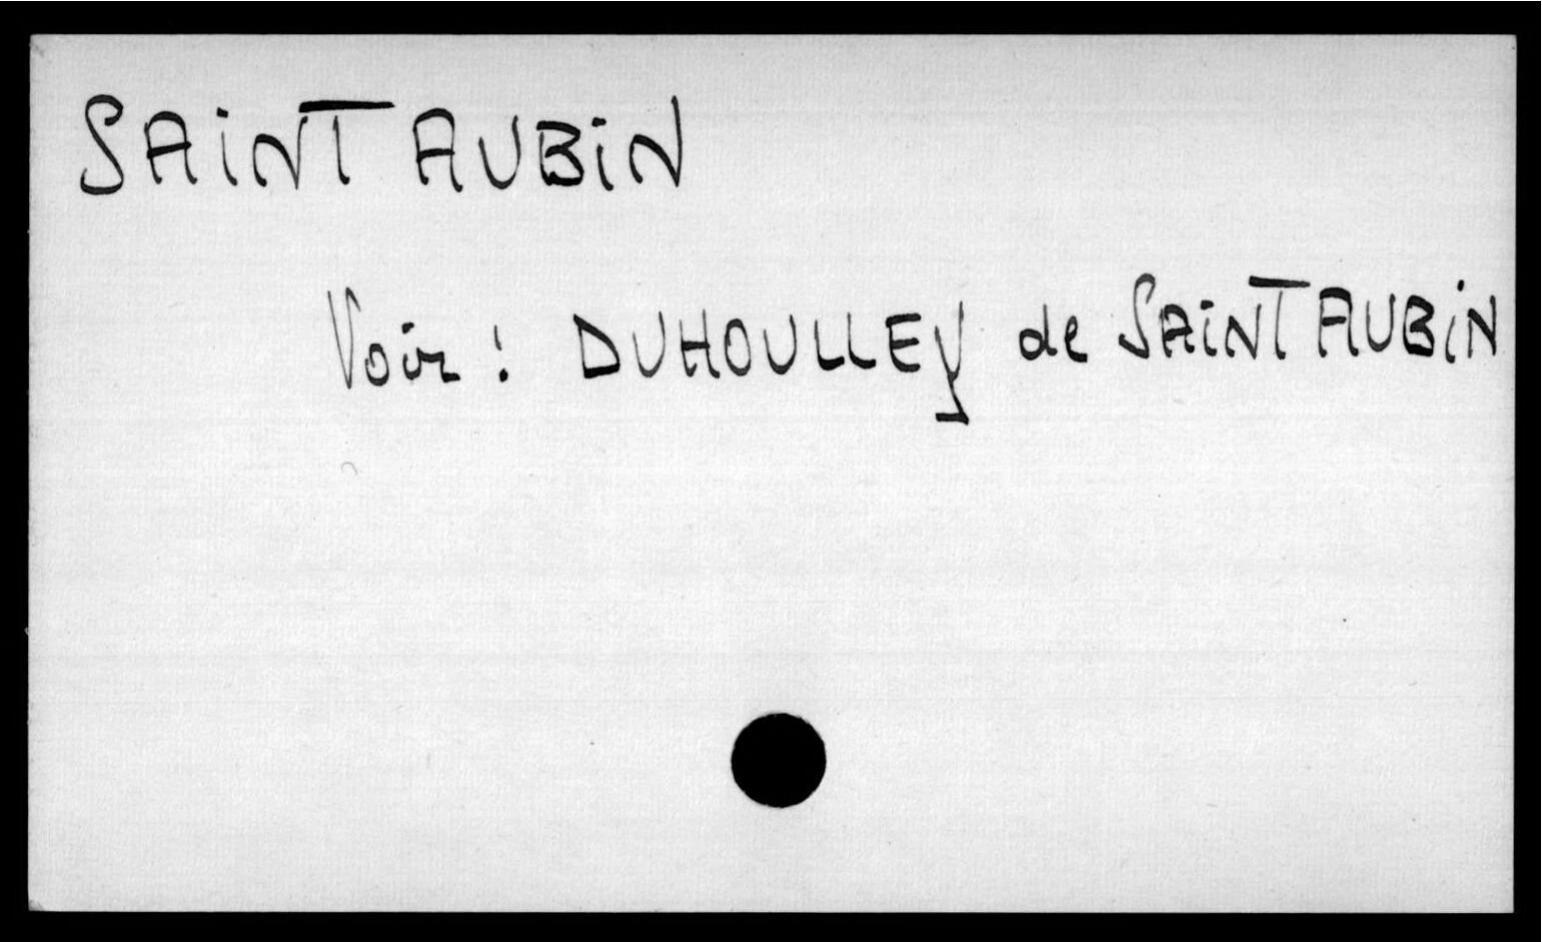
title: SAINT AUBIN
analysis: Voir : DUHOULLEY de SAINT AUBIN
